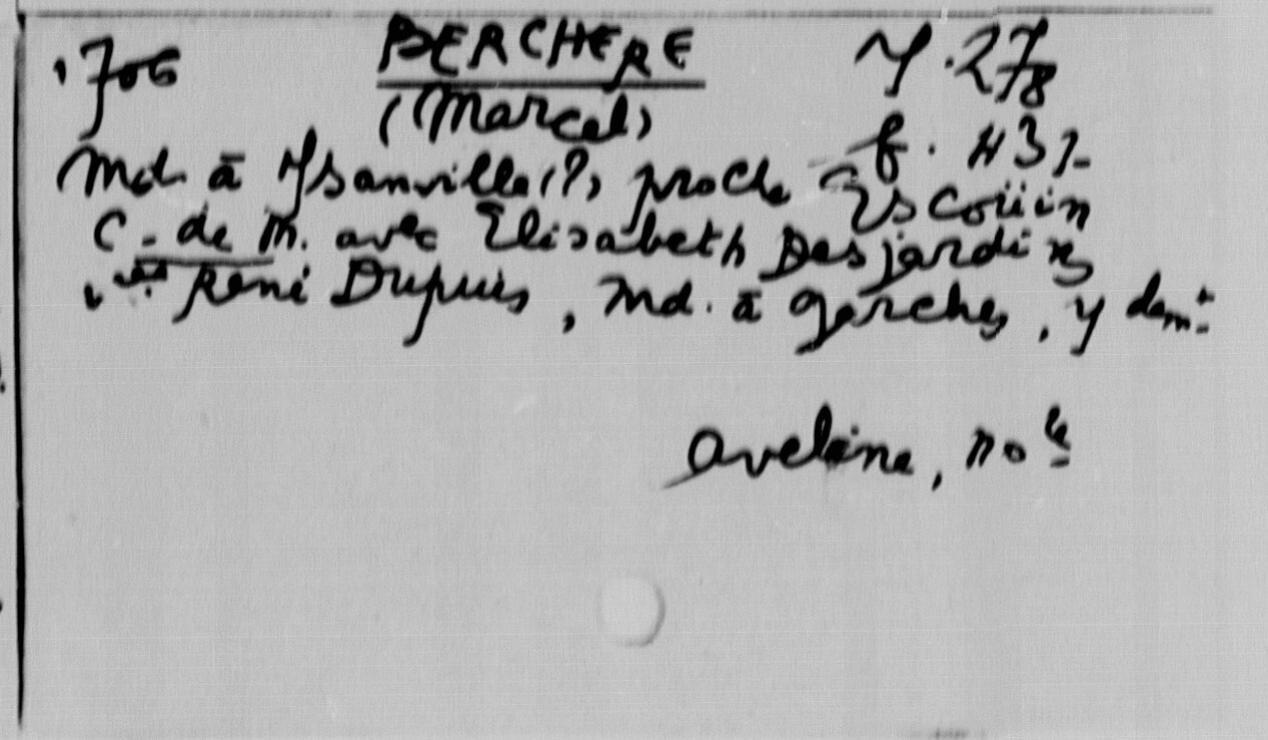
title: BERCHERE (Marcel)
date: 1706
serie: Y
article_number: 278
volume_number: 431
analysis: Marchand à Ysanville (?), proche Escoüen. Contrat de mariage avec Elisabeth Desjardins veuve René Dupuis, marchand à Garches, y demeurant. Aveline, notaire.
